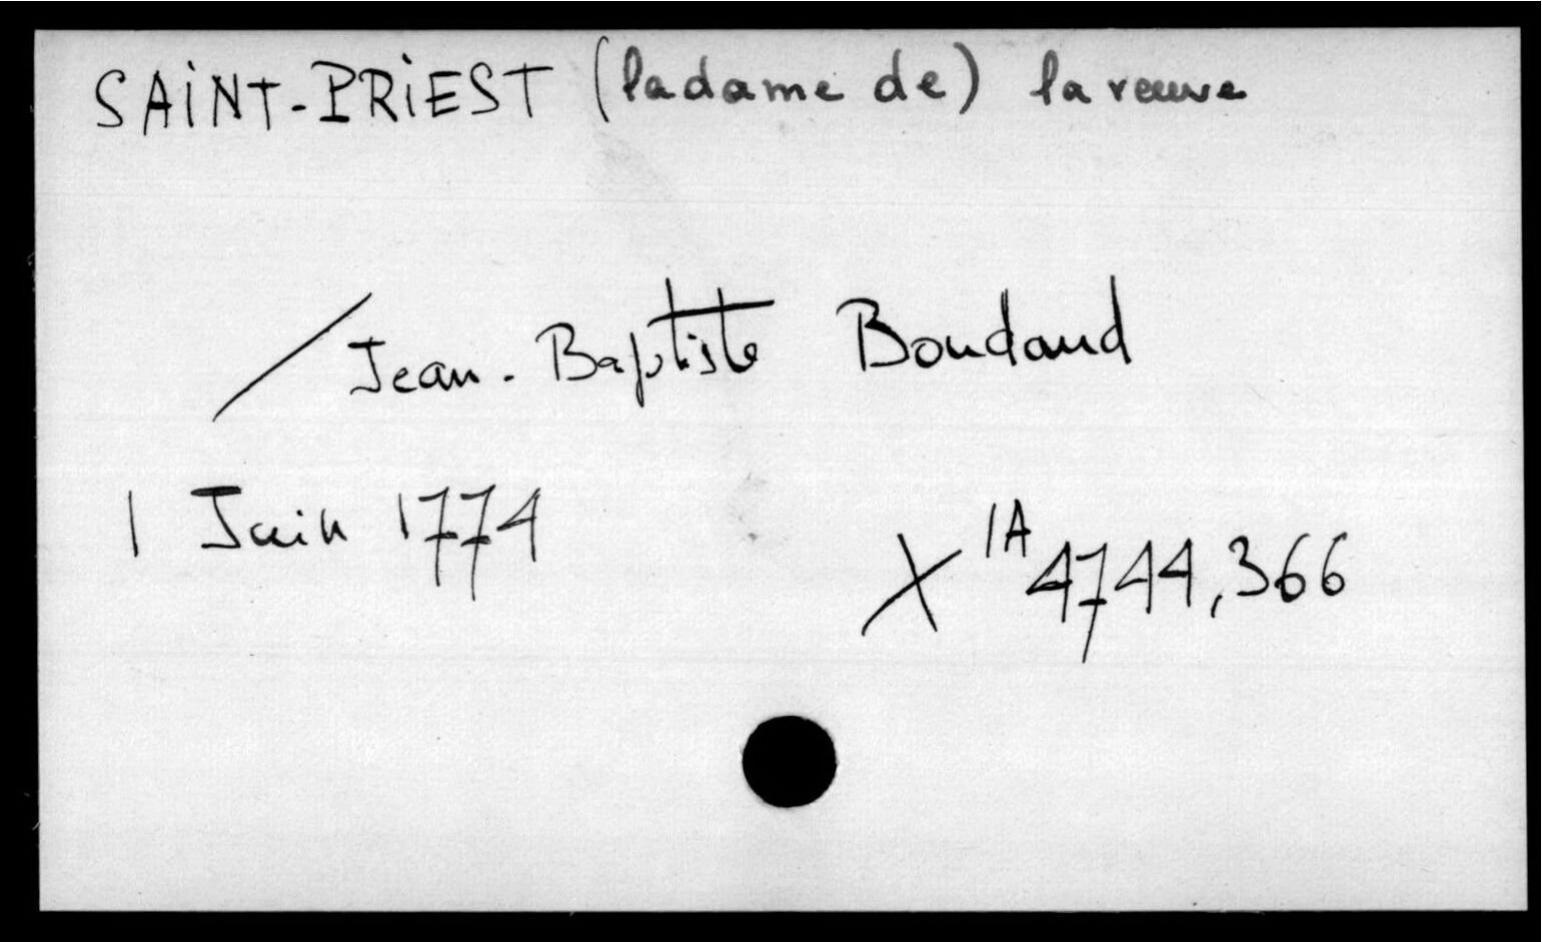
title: SAINT-PRIEST (la dame de) la veuve
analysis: Contre Jean-Baptiste Boudaud
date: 1 juin 1774
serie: X1A
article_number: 4744
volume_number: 366
